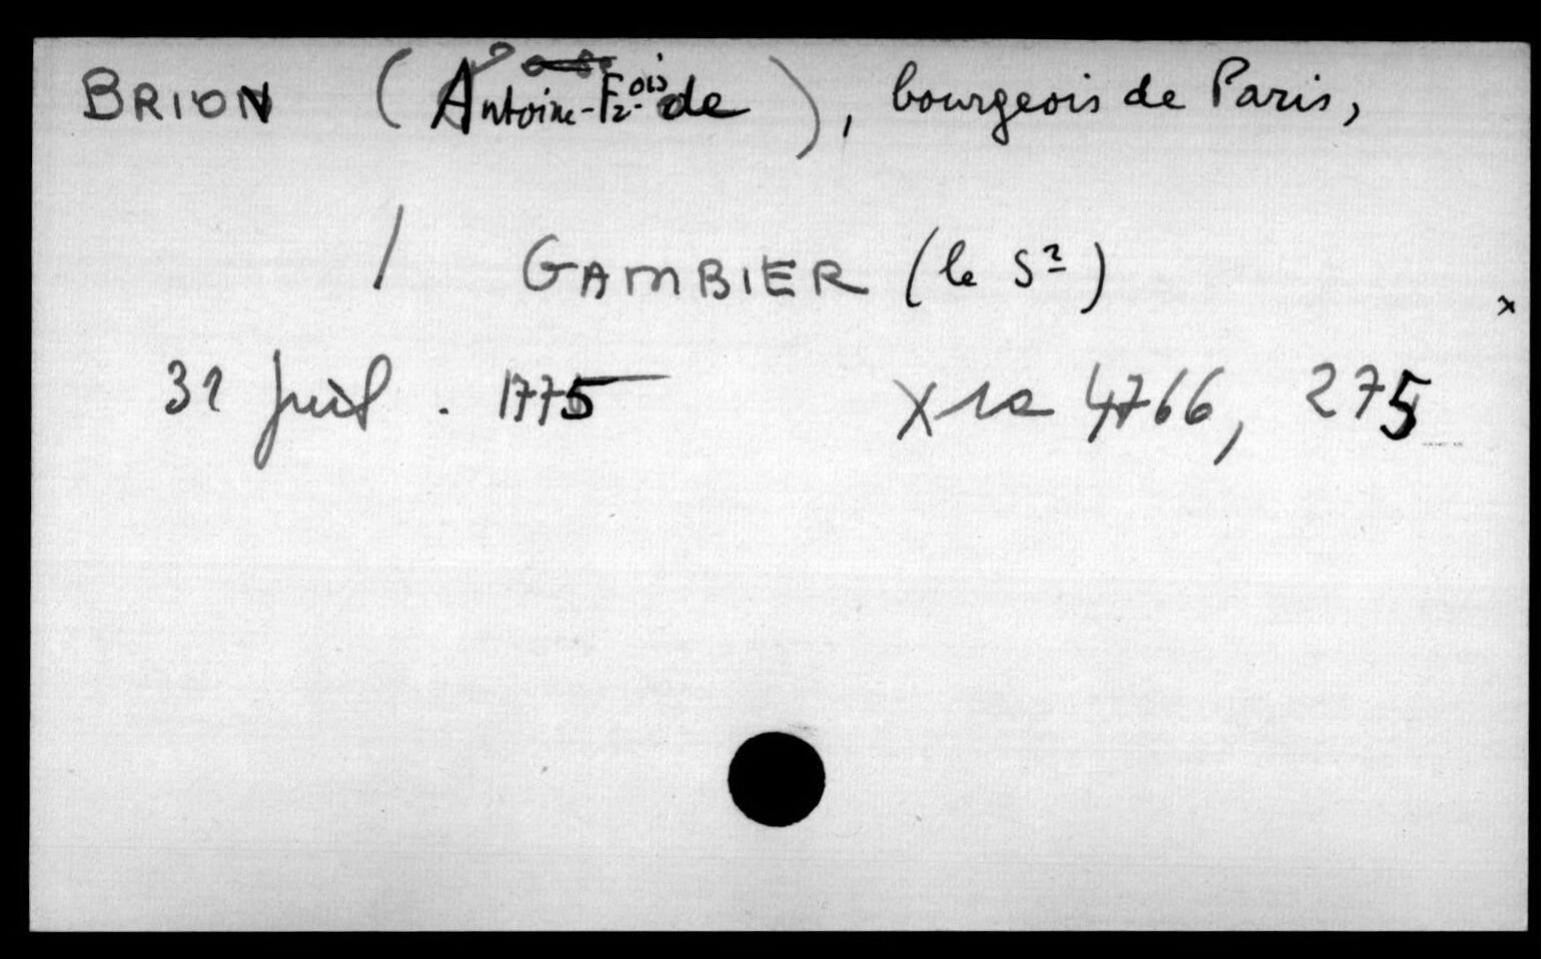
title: BRION (Antoine François de ), bourgeois de Paris
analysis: Contre GAMBIER (le sieur)
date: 31 juillet 1775
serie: X1a
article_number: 4766
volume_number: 275
